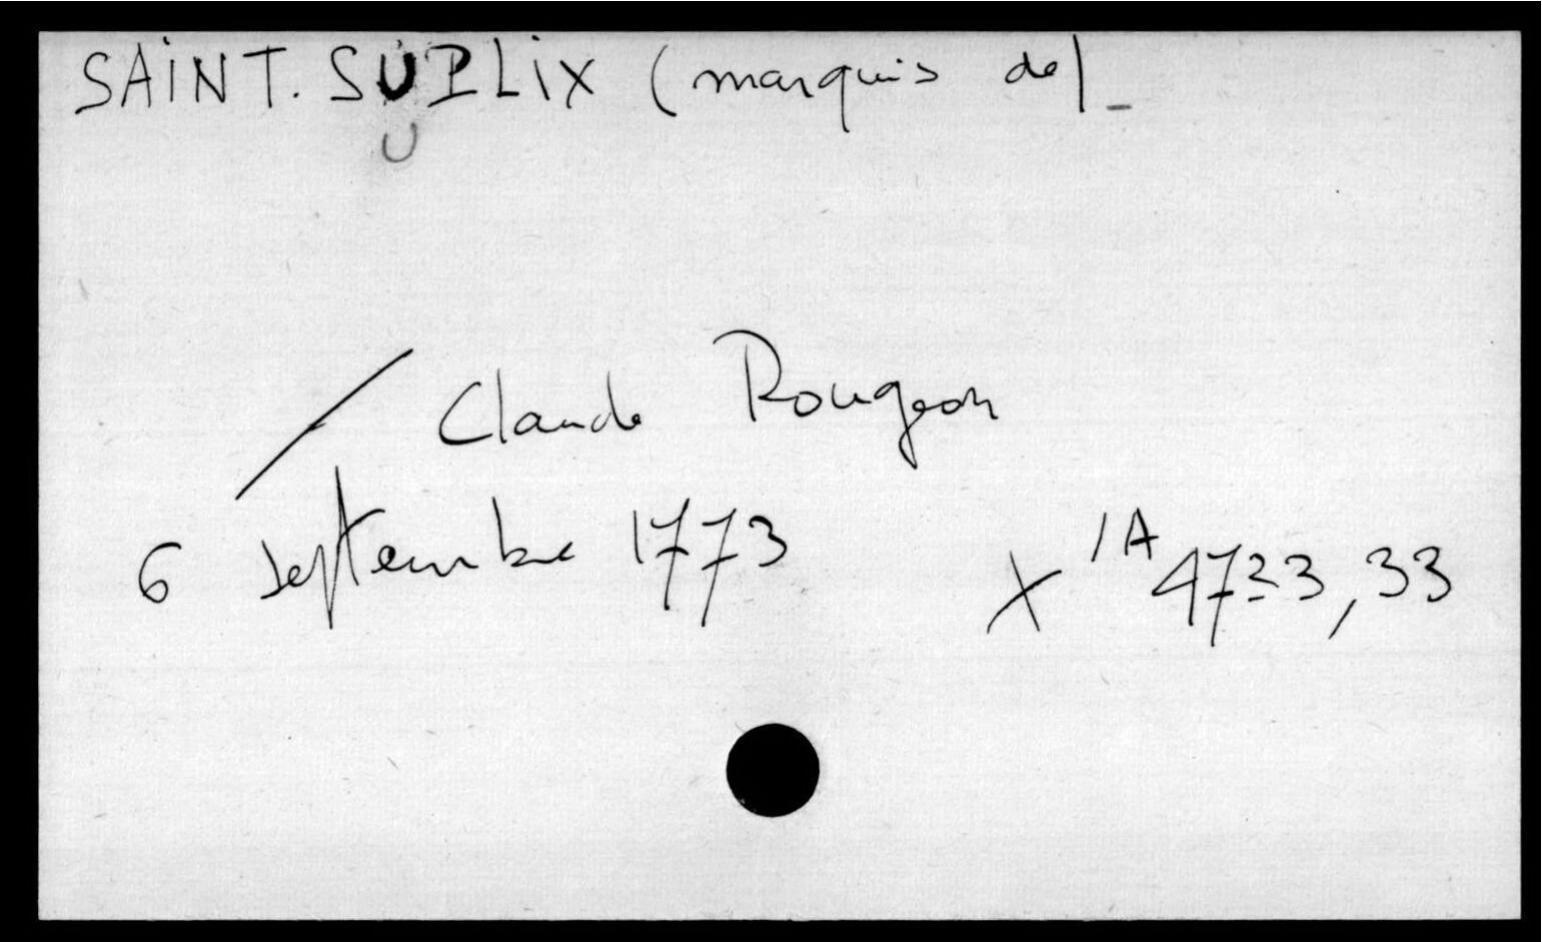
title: SAINT-SUPLIX (marquis de)
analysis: Contre Claude Rougeon
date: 6 septembre 1773
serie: X1A
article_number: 4733
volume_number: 33
